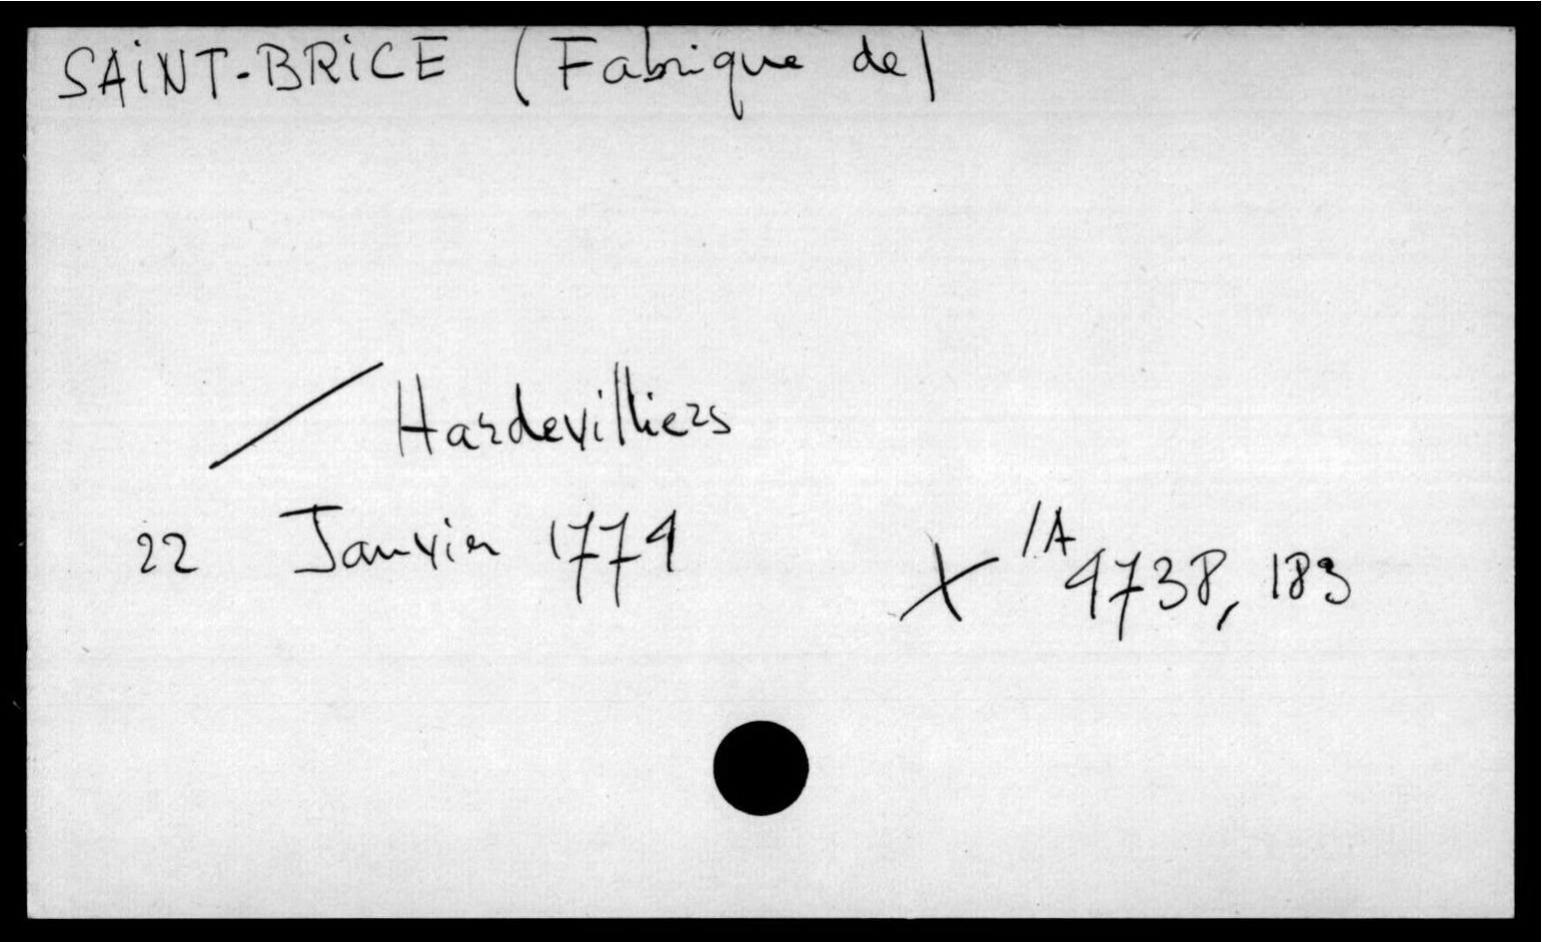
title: SAINT-BRICE (Fabrique de)
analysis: Contre Hardevilliers
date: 22 janvier 1774
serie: X1A
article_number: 4738
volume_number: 183
